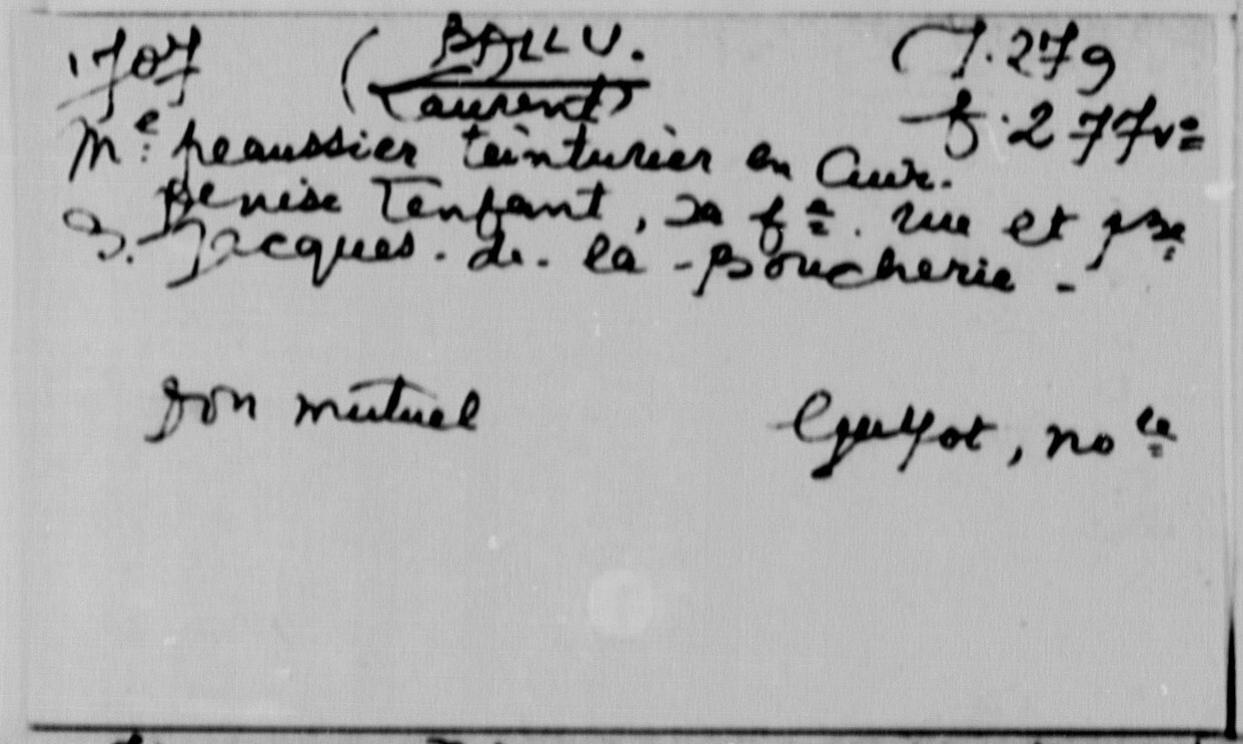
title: BALLU (Laurent)
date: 1707
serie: Y
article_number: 279
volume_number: folio 277 verso
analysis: Maître peaussier teinturier en Cuir. Denise LENFANT, sa femme, rue et paroisse Saint Jacques-de-la Boucherie Don mutuel Guyot, notaire
